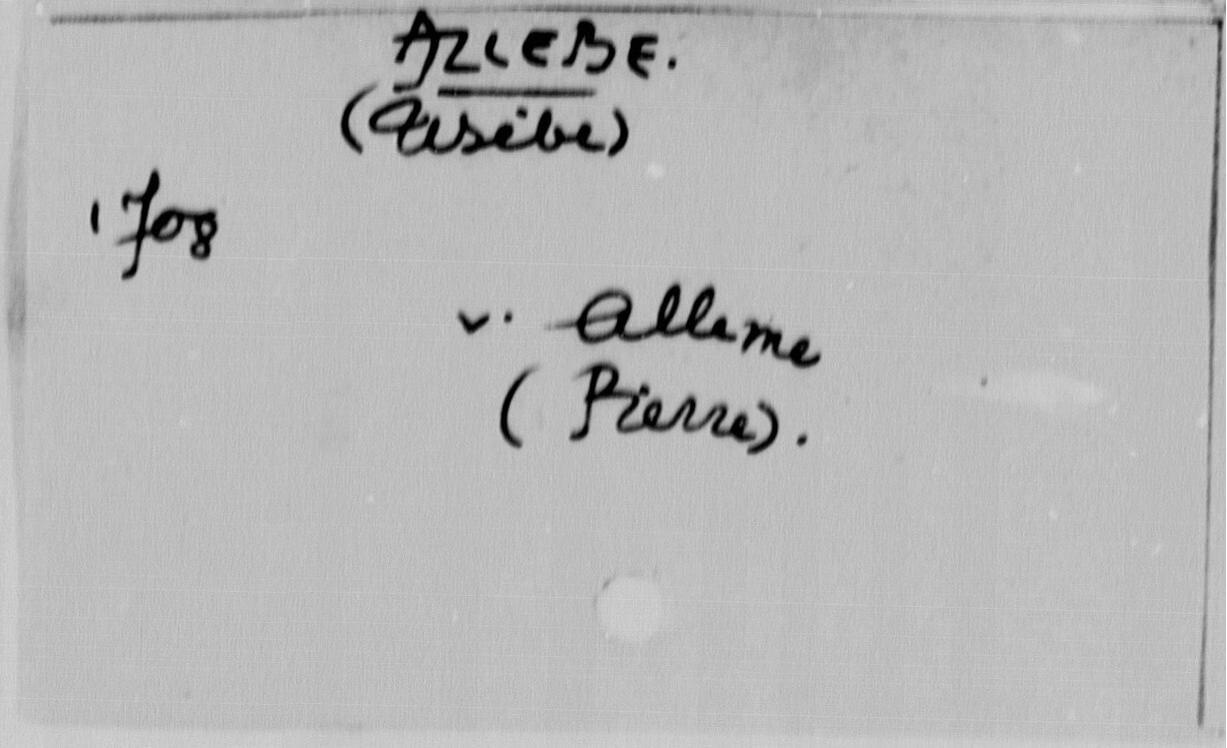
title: ALLEME (Eusèbe)
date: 1708
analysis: Voir ALLEME (Pierre)
